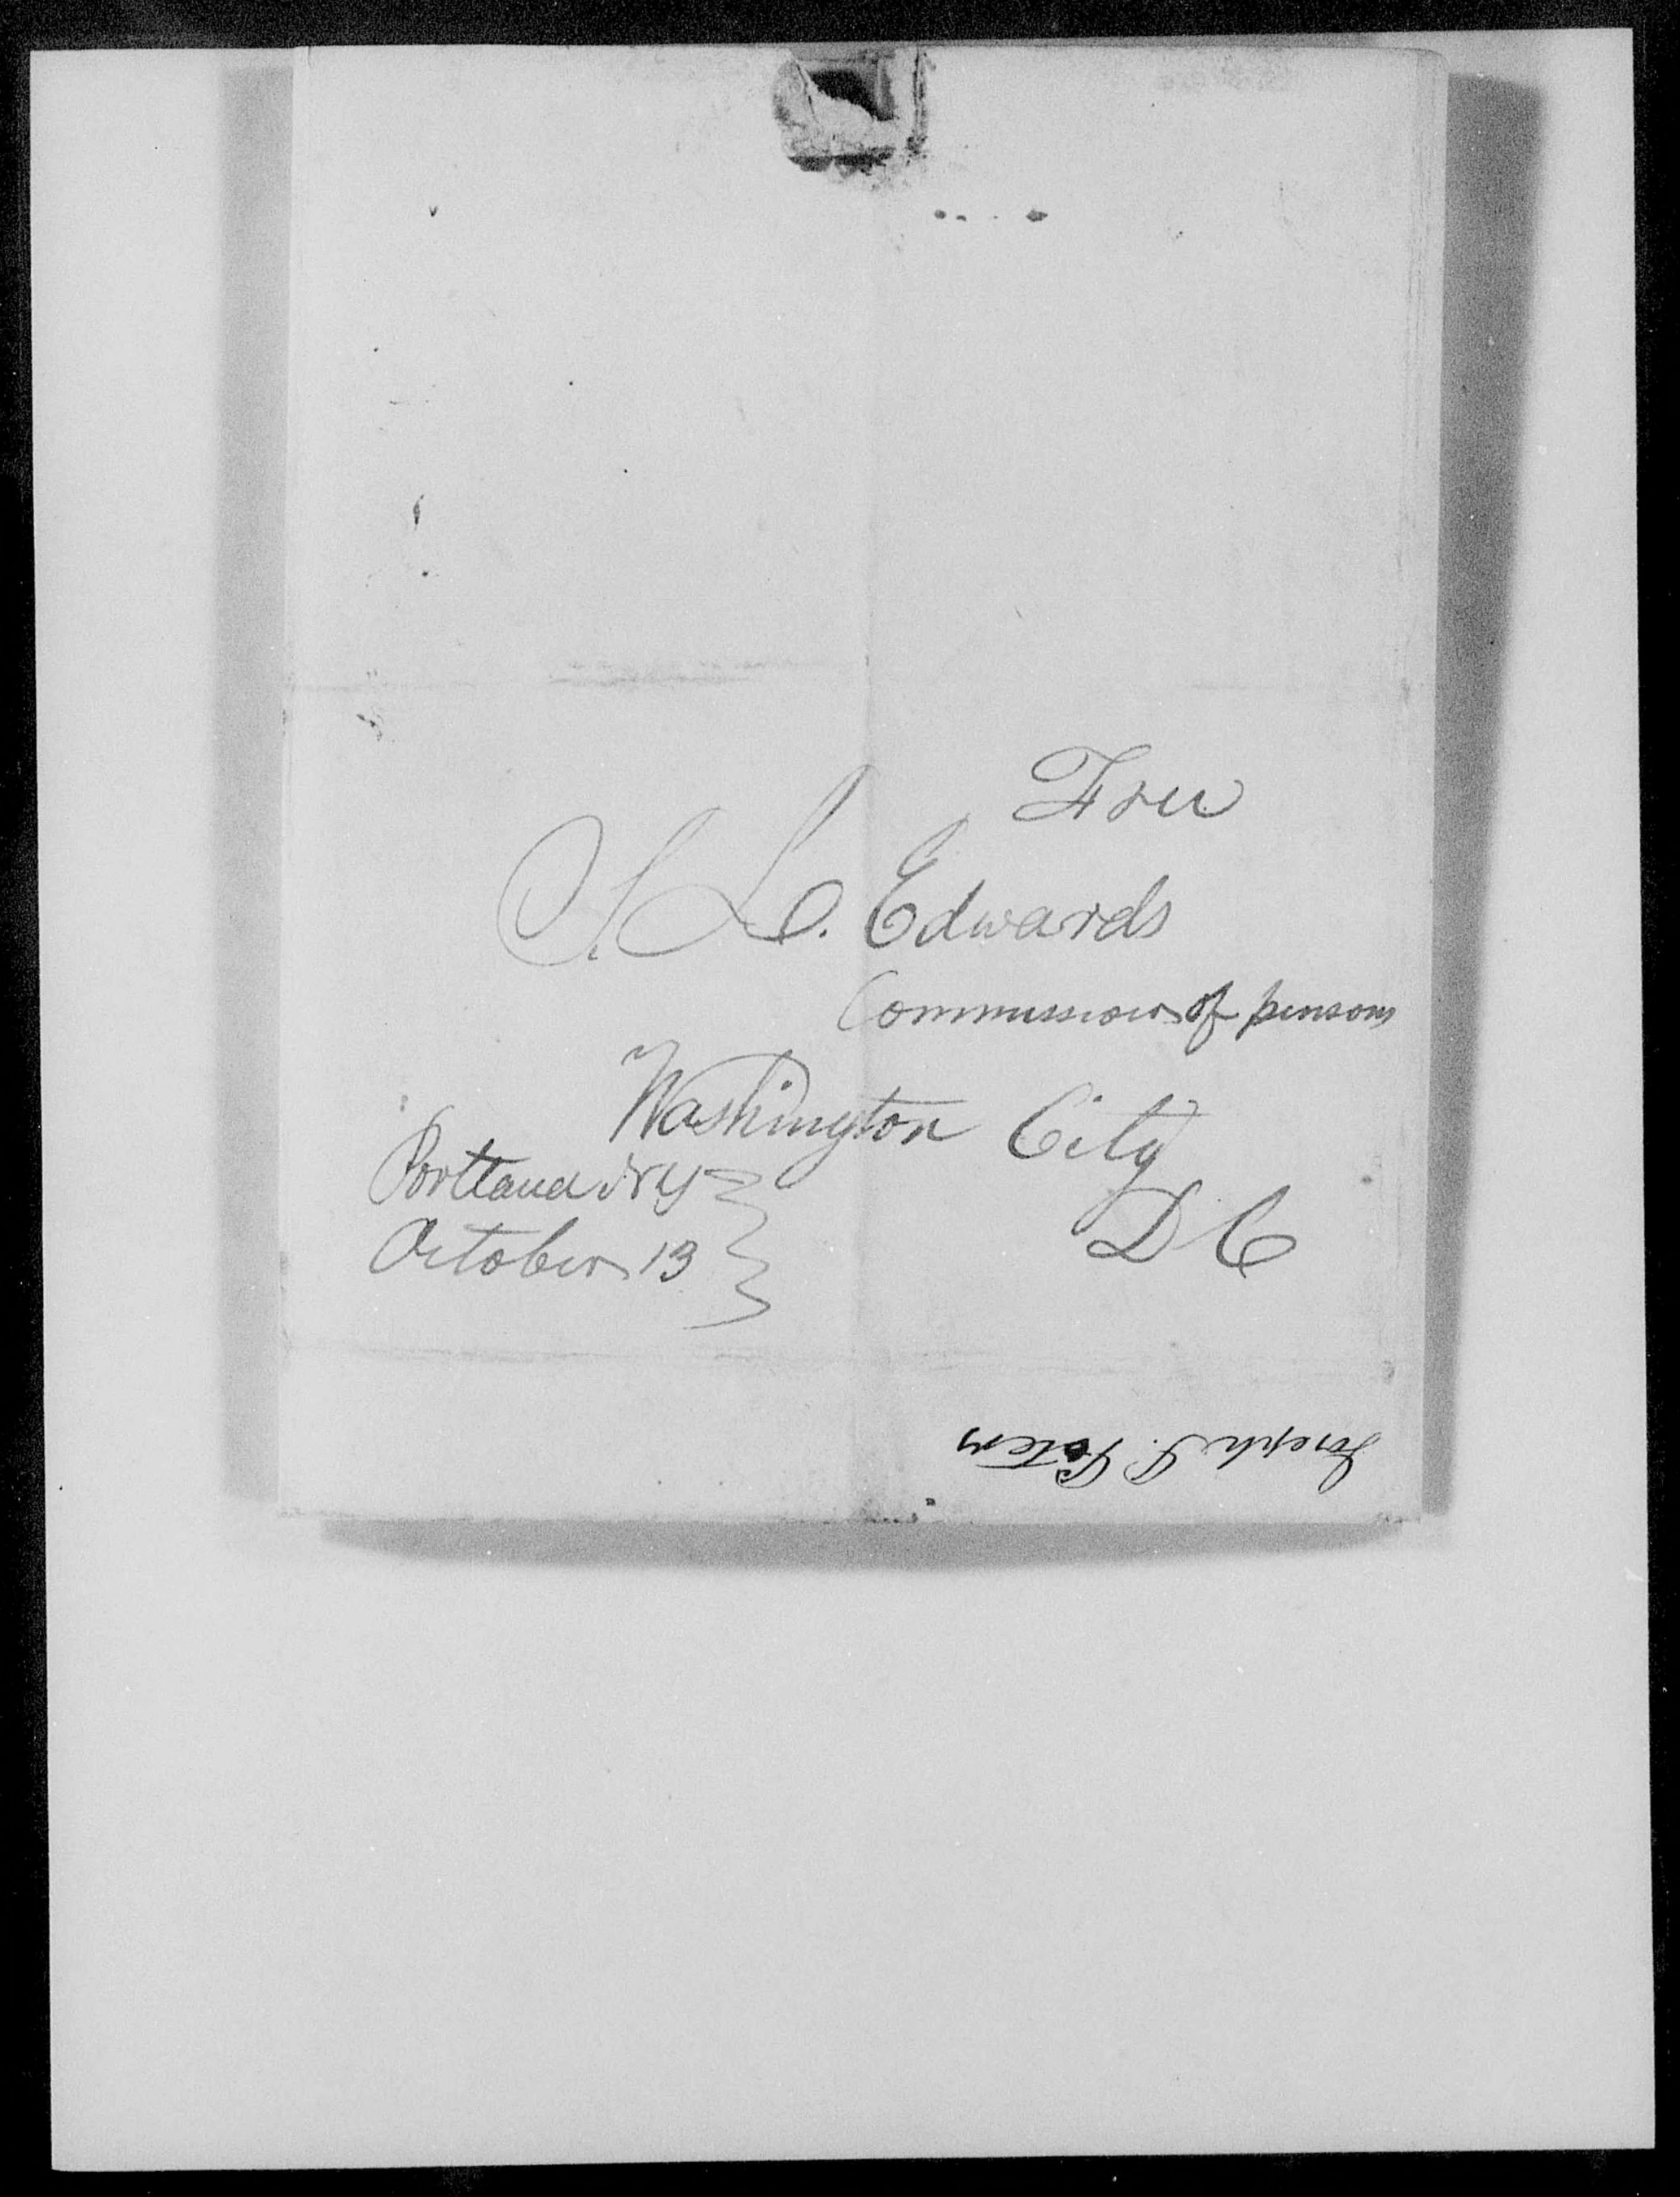Free
J. L. Edwards
Commissioner of Pensions
Washington D.C.
Portland NY
October 13}
Joseph P. Peters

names: J L Edwards; Joseph P Peters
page: 52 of 73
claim: widow's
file: W. 2338, for Joseph P Peters, Connecticut